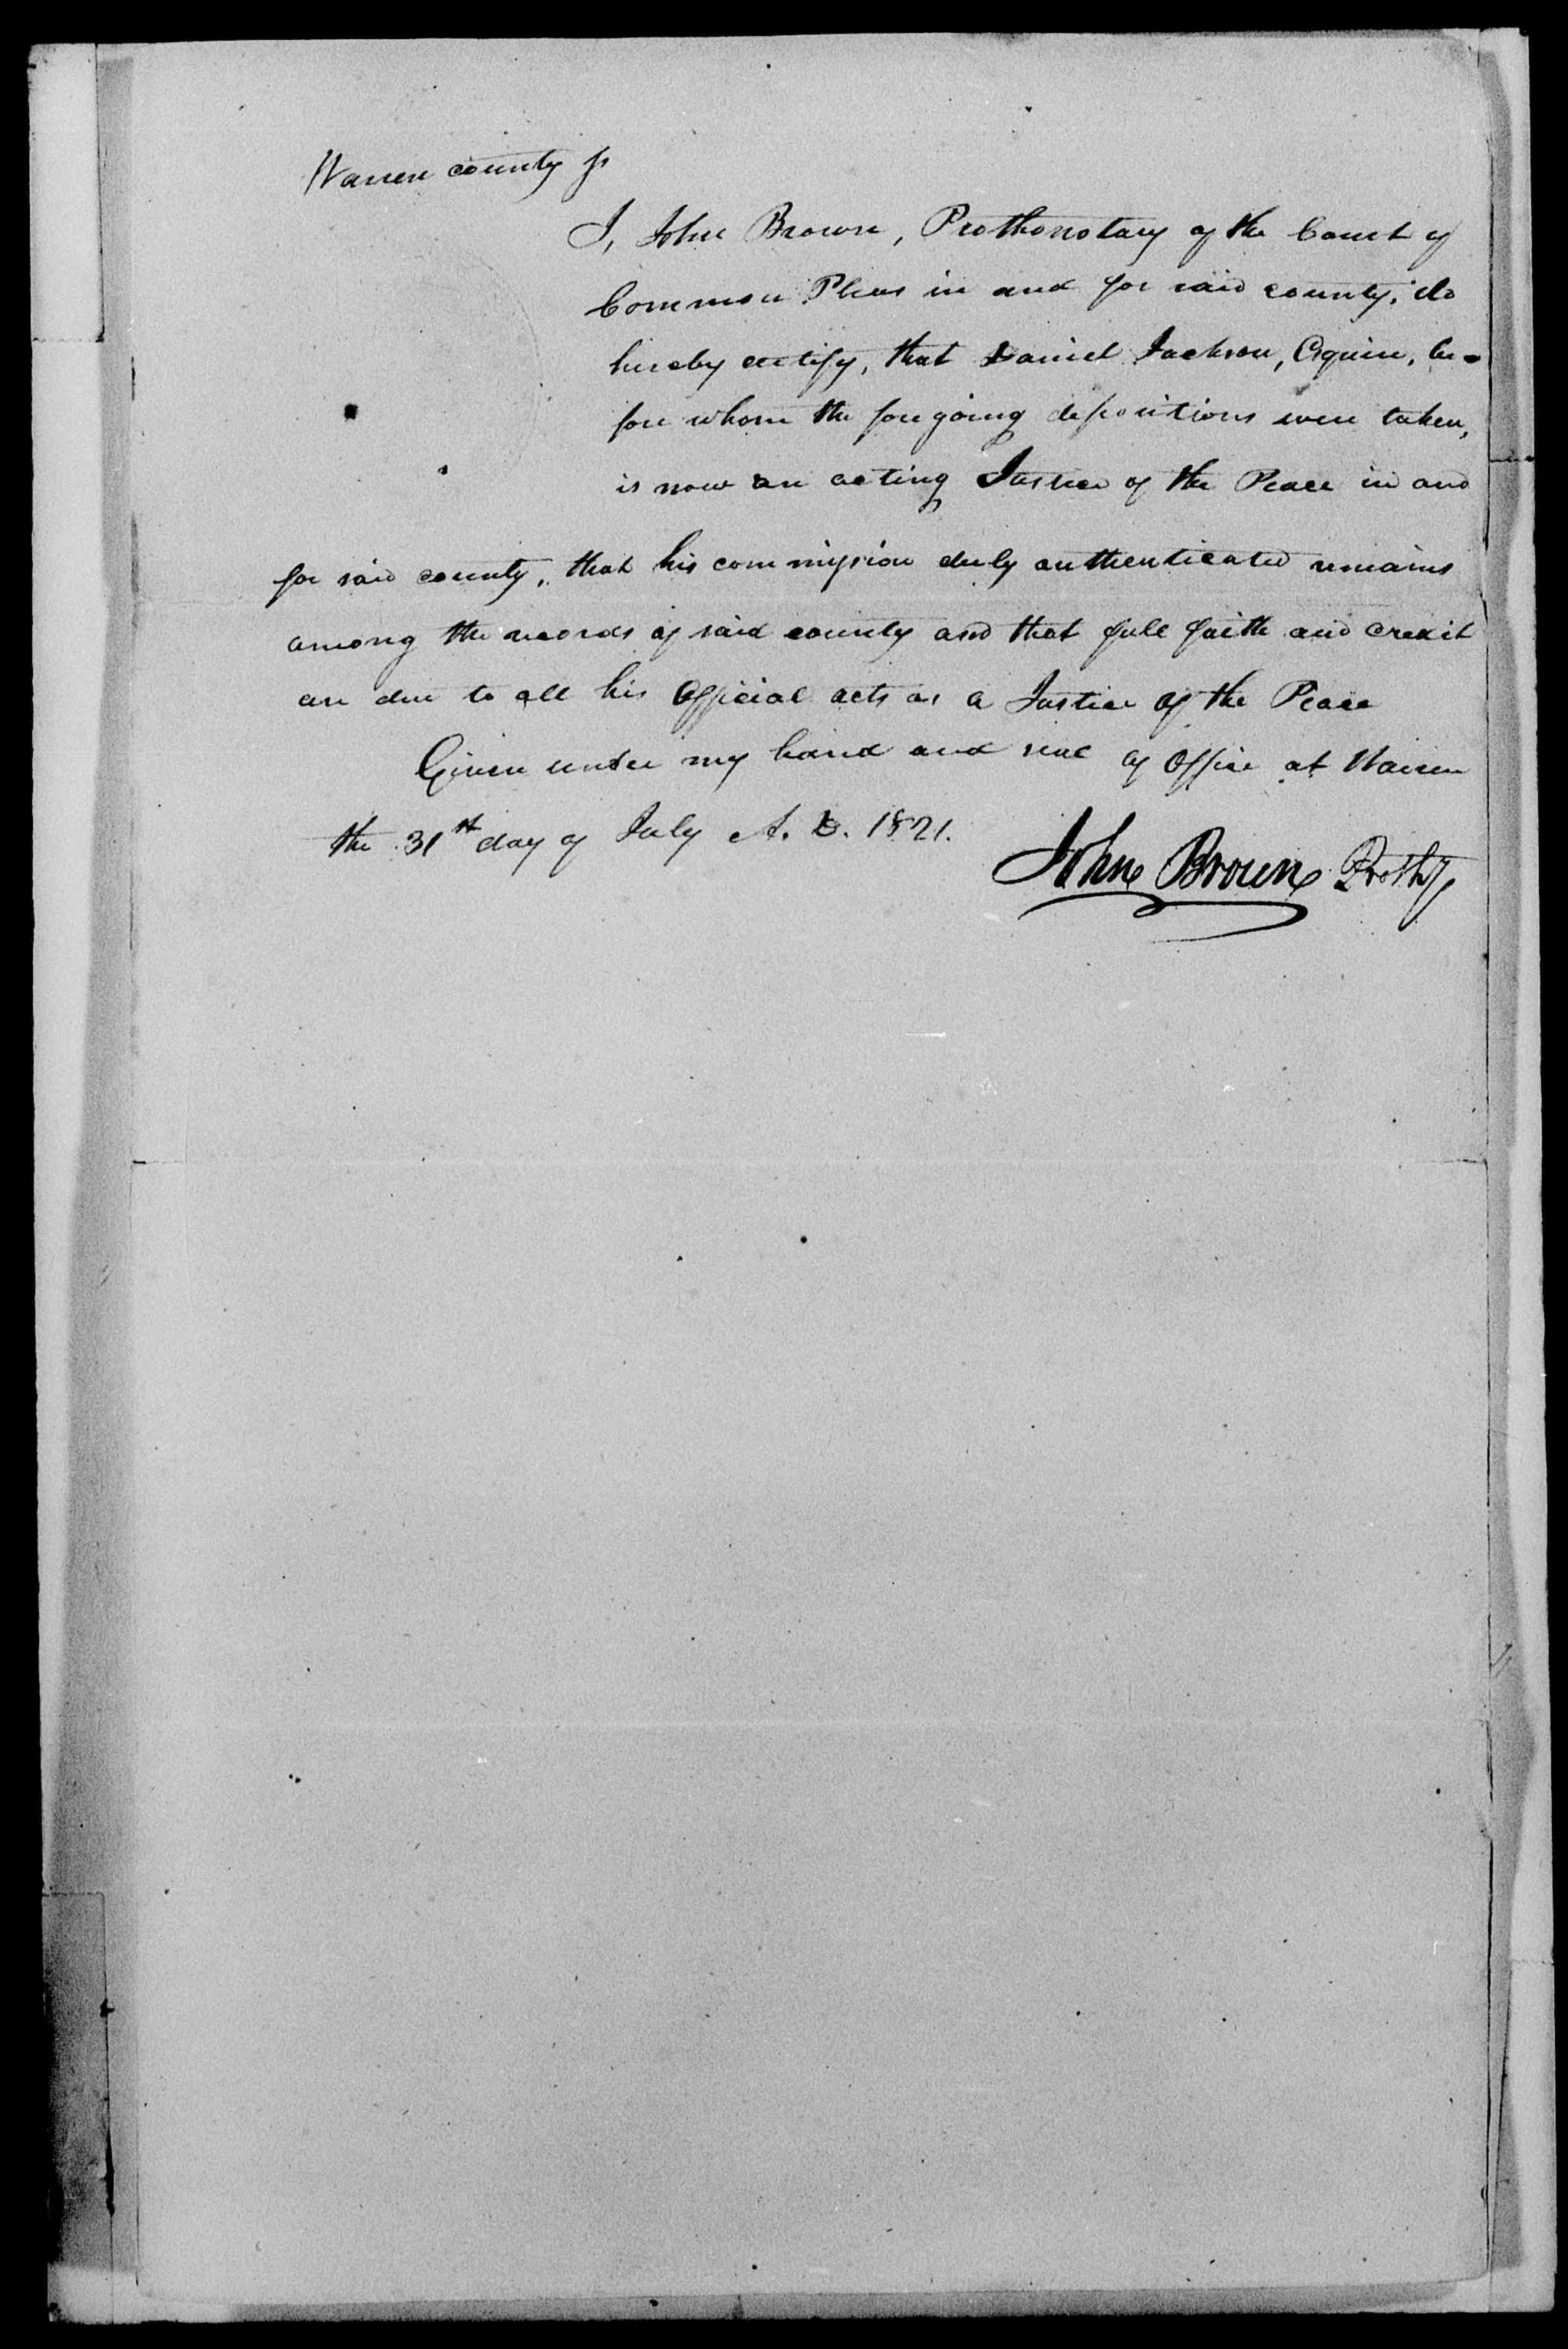Warren County ss

I, John Brown, Prothonotary of the Court of
Common Pleas in and for said County, do
hereby certify, that David Jackson, Esquire, before whom the foregoing depositions were taken
is now an acting Justice of the Peace in and
for said county, that his commission duly authenticated remains among the records of said county and that full faith and credit are due to all his official acts as a Justice of the Peace

Given under my hand and seal
by Office at Warren
the 31st day of July A.D. 1821.

John Brown Prothy

(SEAL illegible but on upper left corner)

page: 66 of 77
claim: widow's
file: W 2954, for James Mc Gee, Delaware